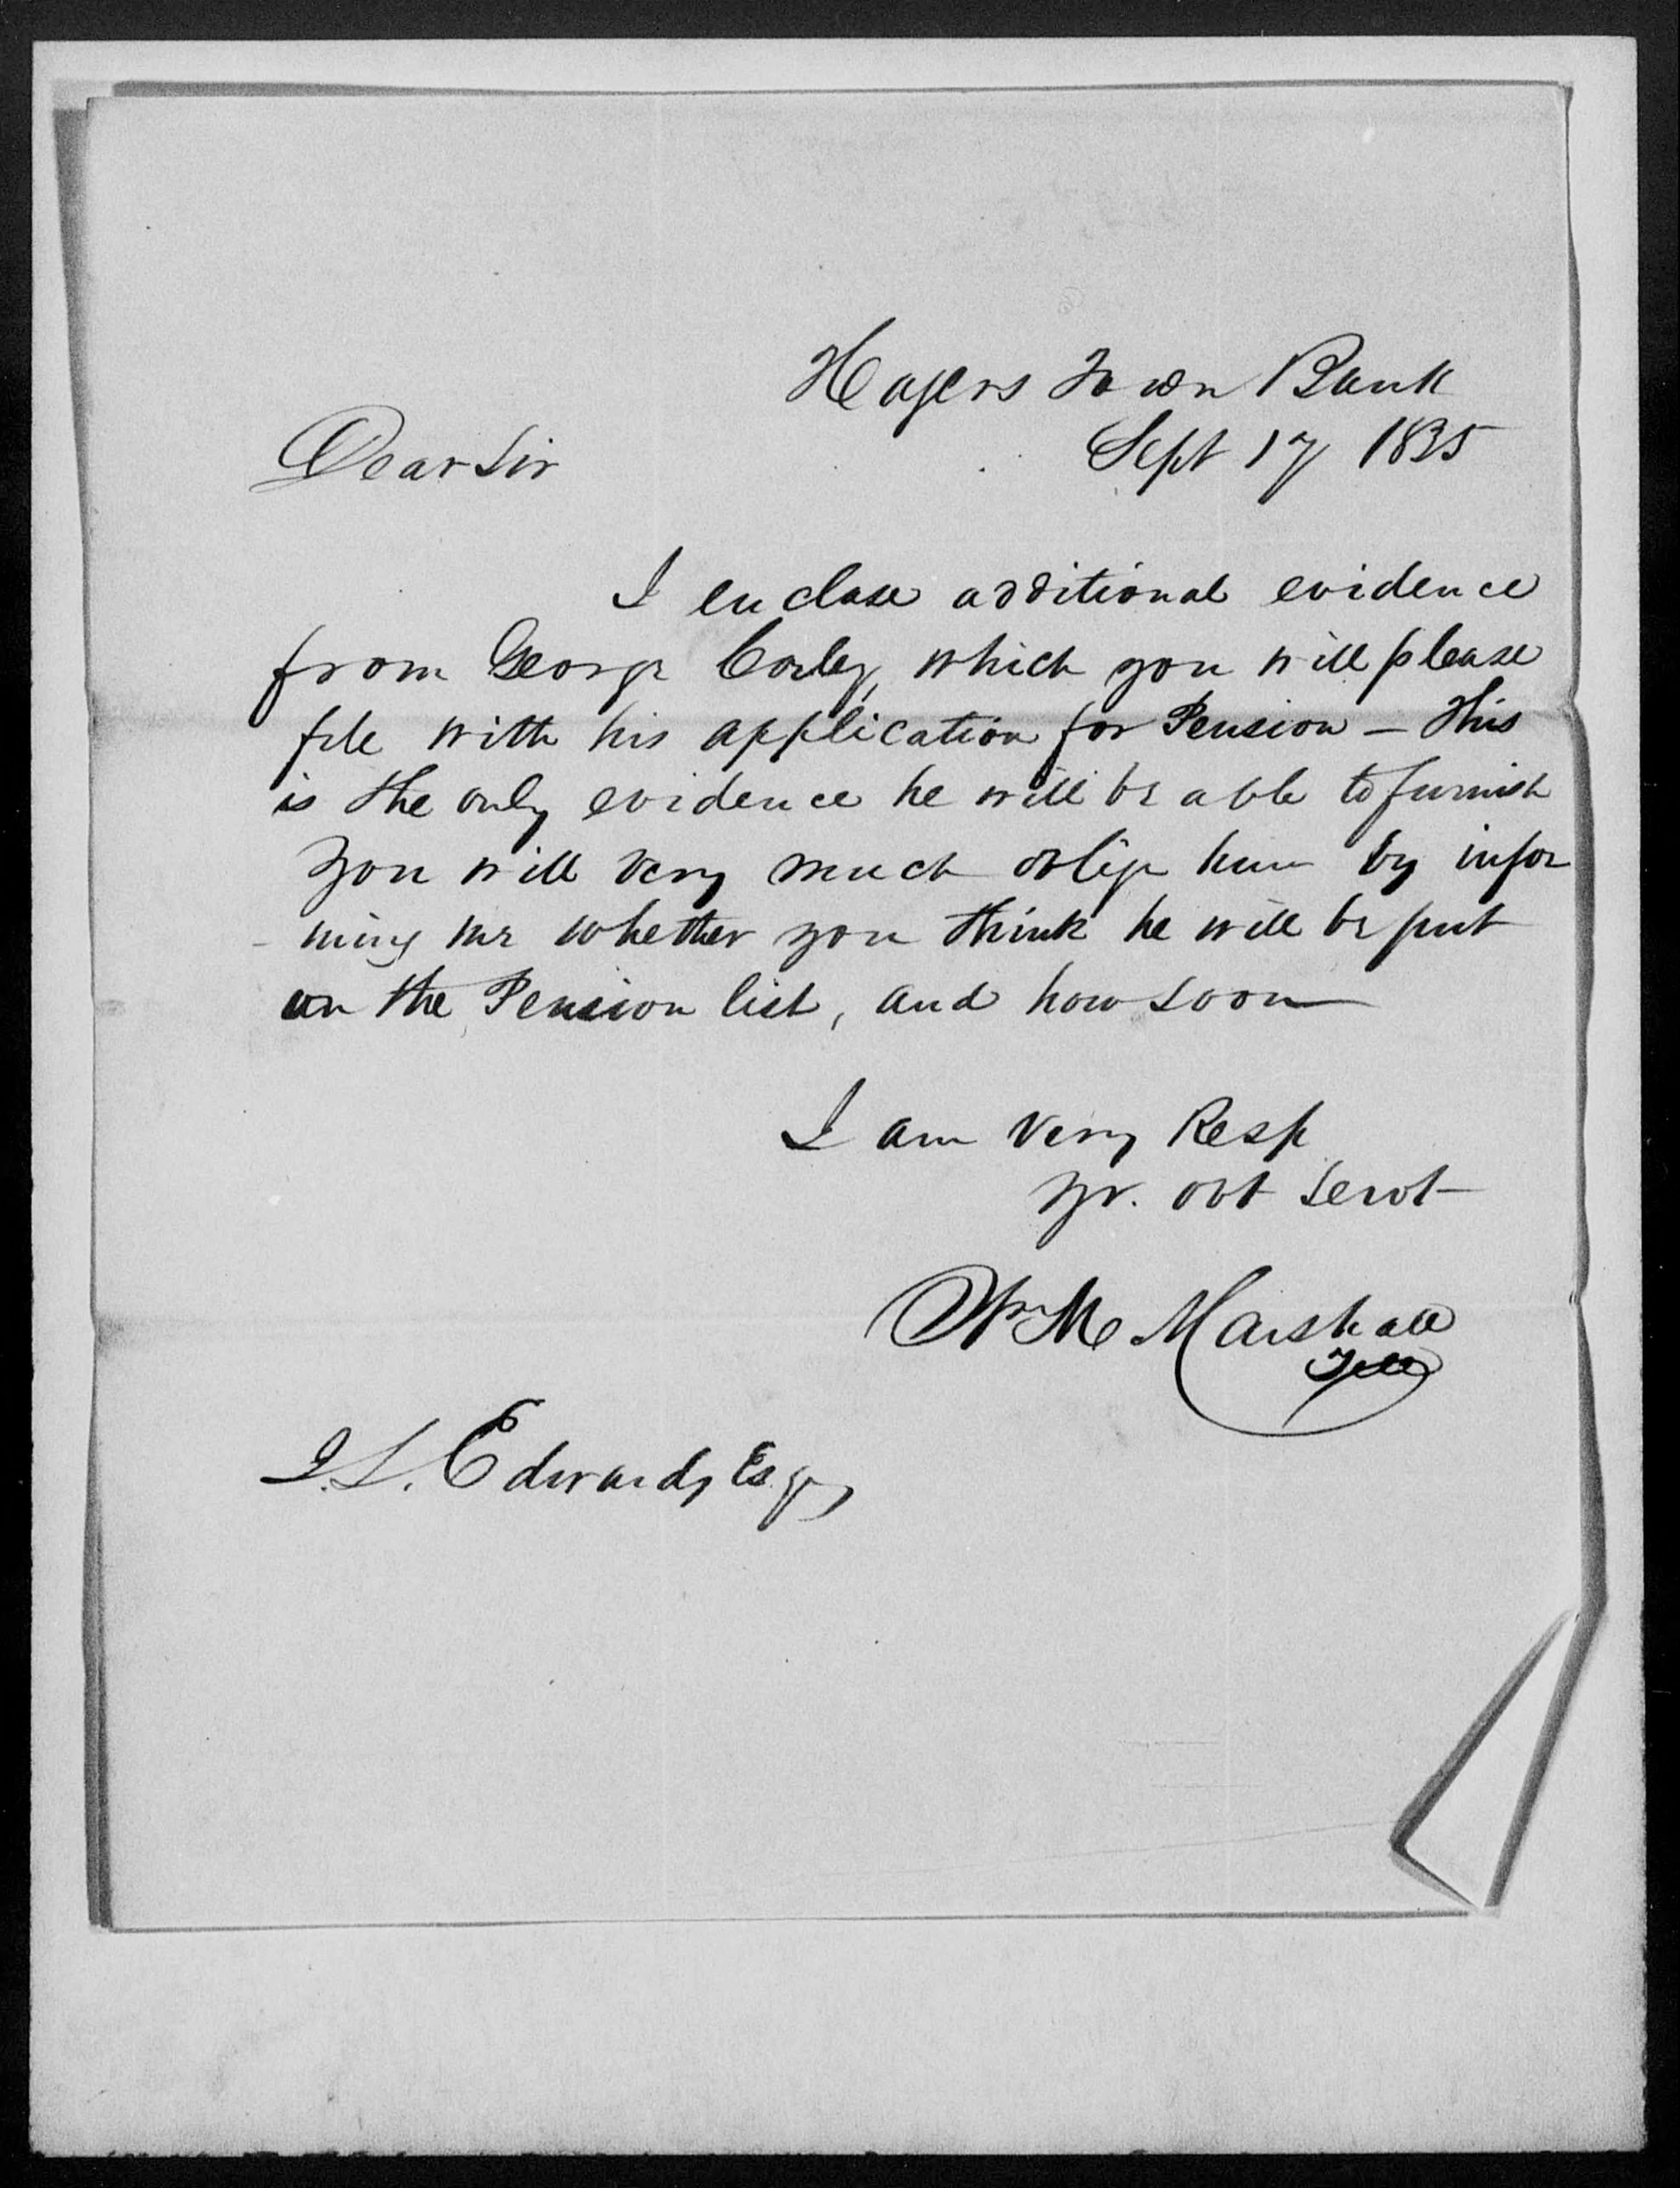Hagers Town Bank
Sept 17 1835
Dear Sir
I enclose additional evidence
from George Corley, which you will please
file with his application for Pension - This 
is the only evidence he will be able to furnish
you will very much oblige him by infor
-ming me whether you think he will be put
on the Pension list, and how soon

I am very Resp
Yu. obt servt
Wm M Marshall
Tete

J.S. Edwards Esq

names: George Corley, Wm M Marshall, J L Edwards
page: 20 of 22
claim: survivor's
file: S. 9,199, George Corley, Md.